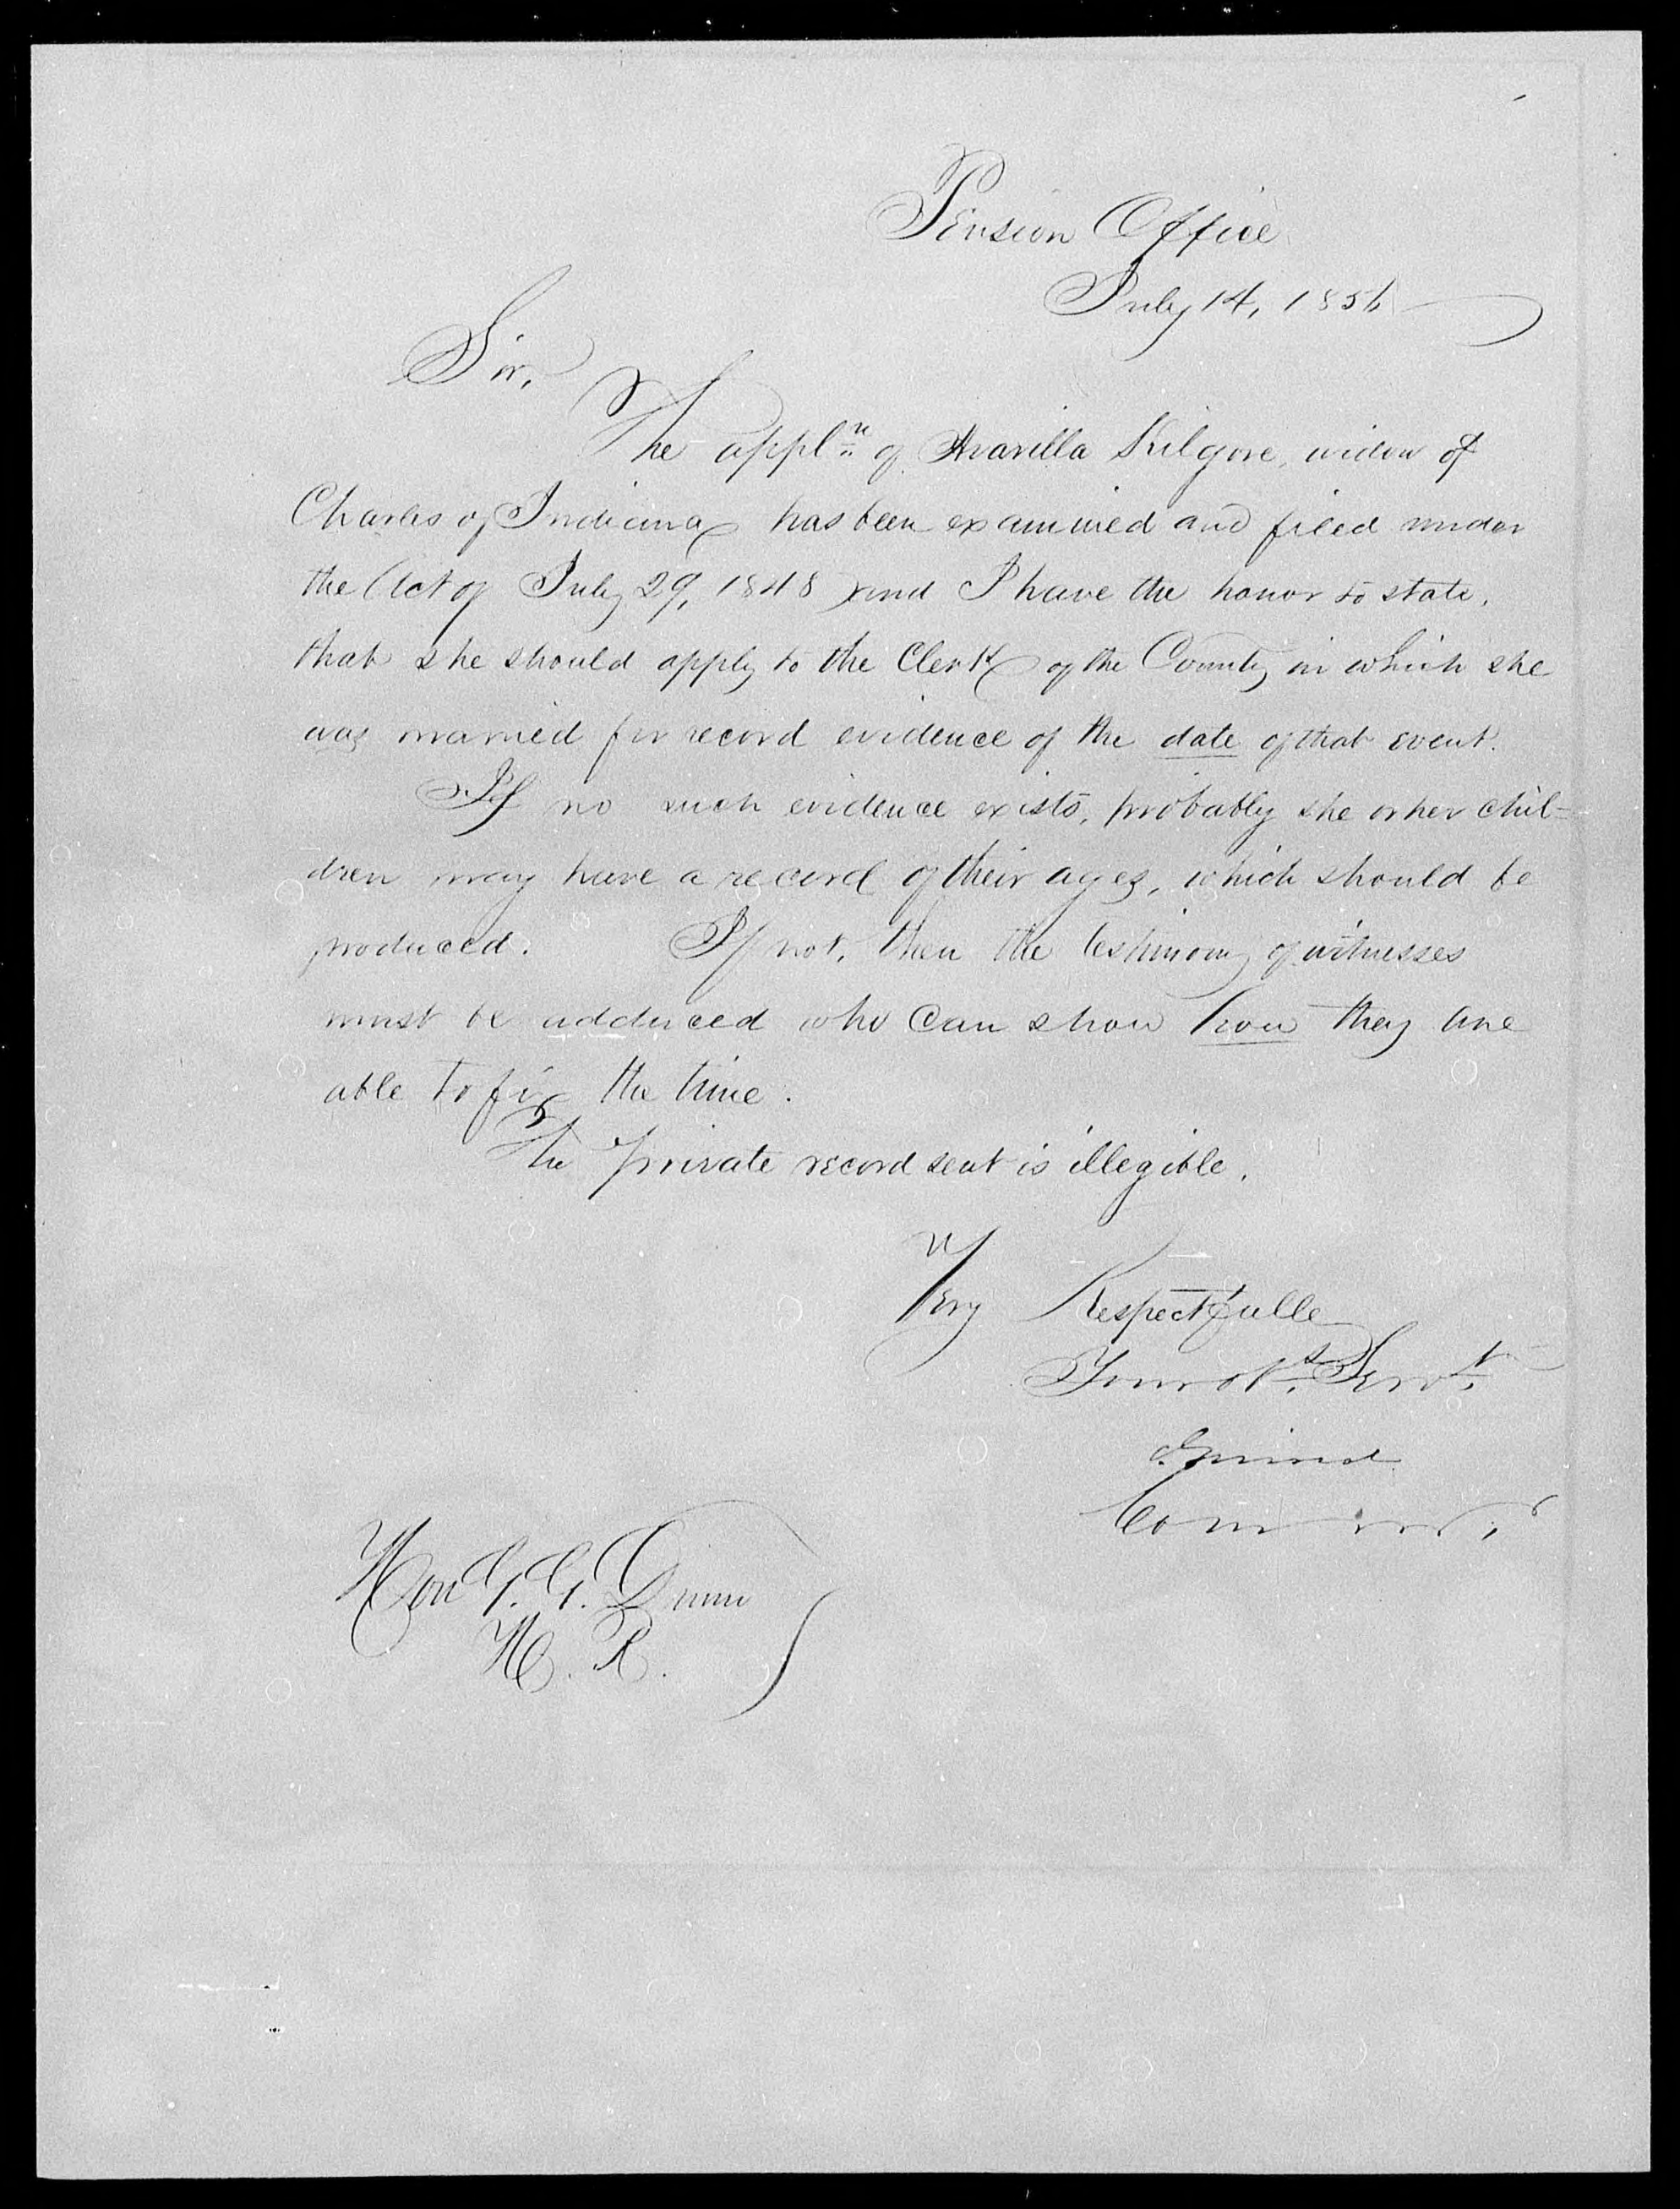Pension Office
July 14, 1856

Sir,
The appln. of Avarilla Kilgore, widow of Charles of Indiana has been examined and filed under the Act of July 29, 1848 and I have the honor to state, that she should apply to the Clerk of the County in which she was married for record evidence of the date of that event.
If no such evidence exists, probably she or her children may have a record of their ages, which should be produced. If not, then the testimony of witnesses must be adduced who can show how they are able to fix the time
The private record sent is illegible.

Very Respectfully
Your obt. Servt.
J. Minot
Commr

Hon G. G. Dunn
H. R.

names: J Minot; Charles Kilgore; G G Dunn; Avarilla Kilgore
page: 93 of 115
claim: survivor's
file: S. 699, for Charles Kilgore, Virginia